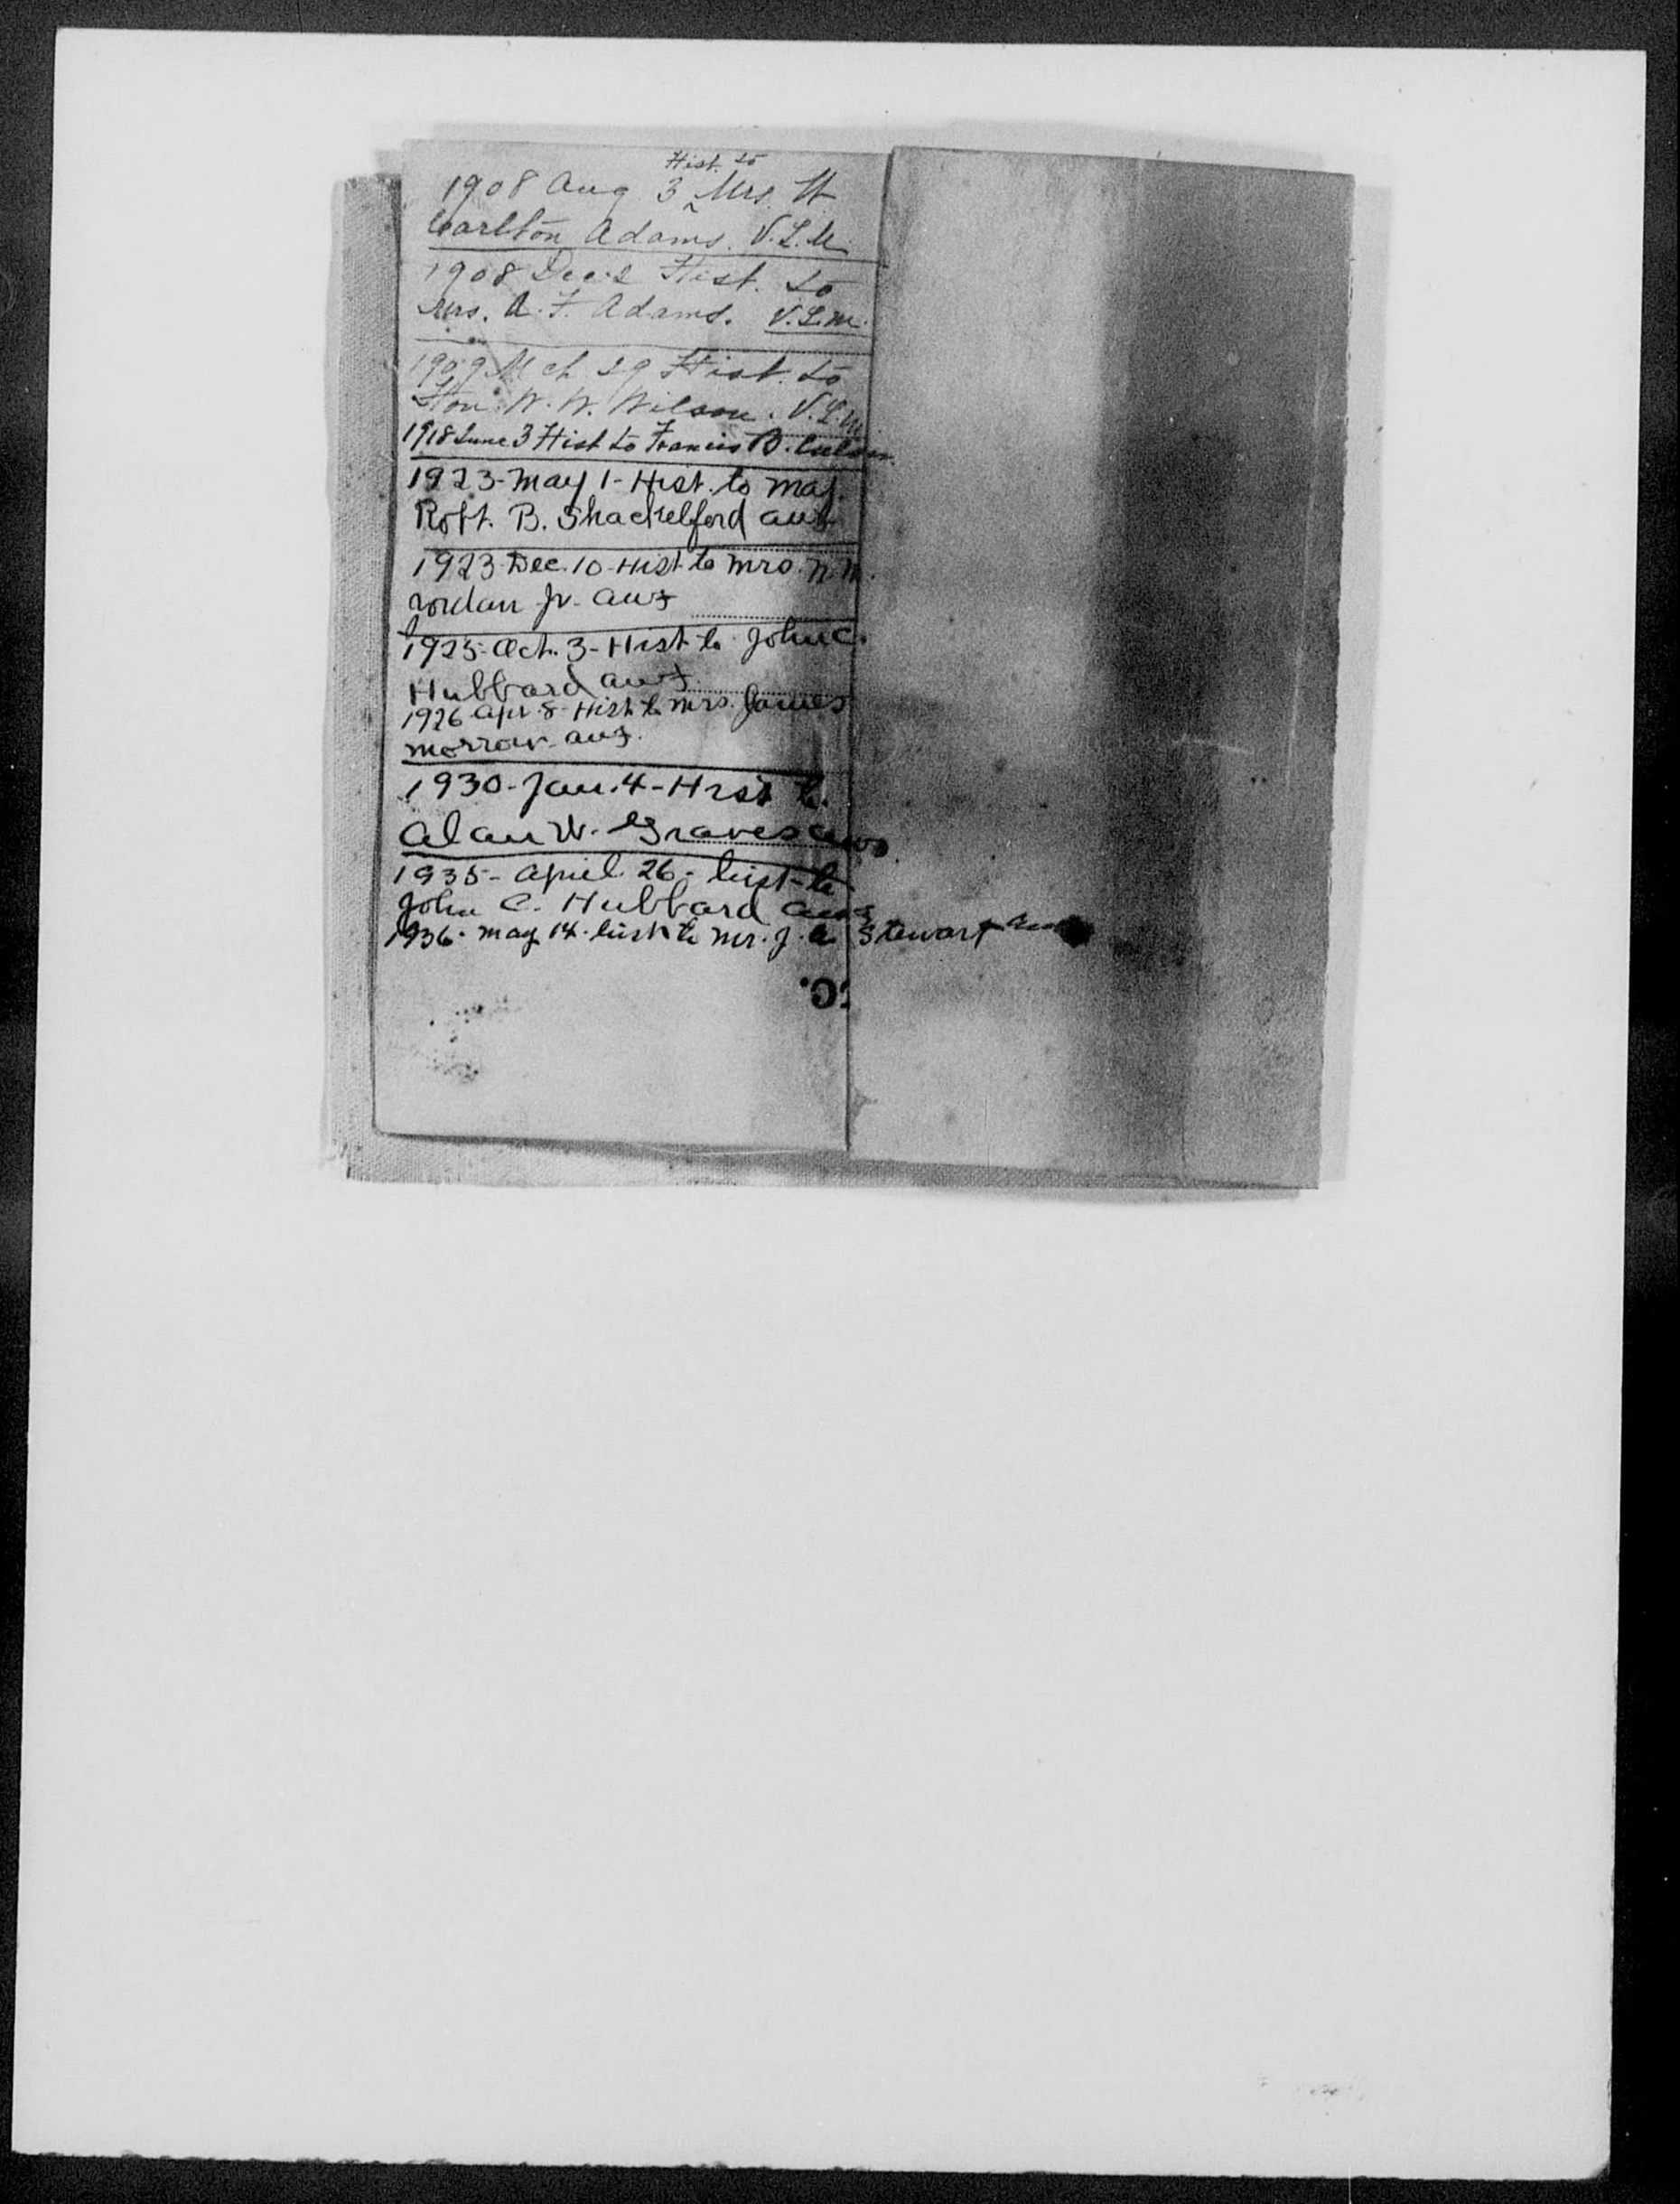1908  August 3 Hist to Mrs W Carlton Adams. V.L.M.
[horizontal line across page]
1908 Dec 2  Hist. to Mrs.A.F. Adams. V.L.M.
[horizontal line across page]
1909 Mch 29 Hist, to Hon. W.W. Wilson. V.L.M.
1918 June 3 Hist to Francis R. Carlson
[horizontal line across page]
1923- May 1- Hist to Maj. Robt. B. Shackelford AWF
[horizontal line across page]
1923 Dec. 10 - Hist to Mrs N.M. Jordan Jr. AWF
[horizontal line across page]
1925 - Oct. 3 - Hist to John C. Hubbard AWF
1926 Apr. 8 - Hist to Mrs James Morrow. AWF
[horizontal line across page]
1930 - Jan. 4 - Hist to Alan W. Graves AWF
[horizontal line across page]
1935 - April 26 - Hist - to John C. Hubbard AWF
1936 - May 14 - hist to Mr. J. A. Stewart AWF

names: N M Jordan, John C Hubbard, J A Stewart, James Morrow, Robt B Shackelford, A F Adams, John C Hubbard, W Carlton Adams, Alan W Graves, W W Wilson, Francis B Culver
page: 39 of 267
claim: widow's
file: W. 4,149, William Campbell, Va.